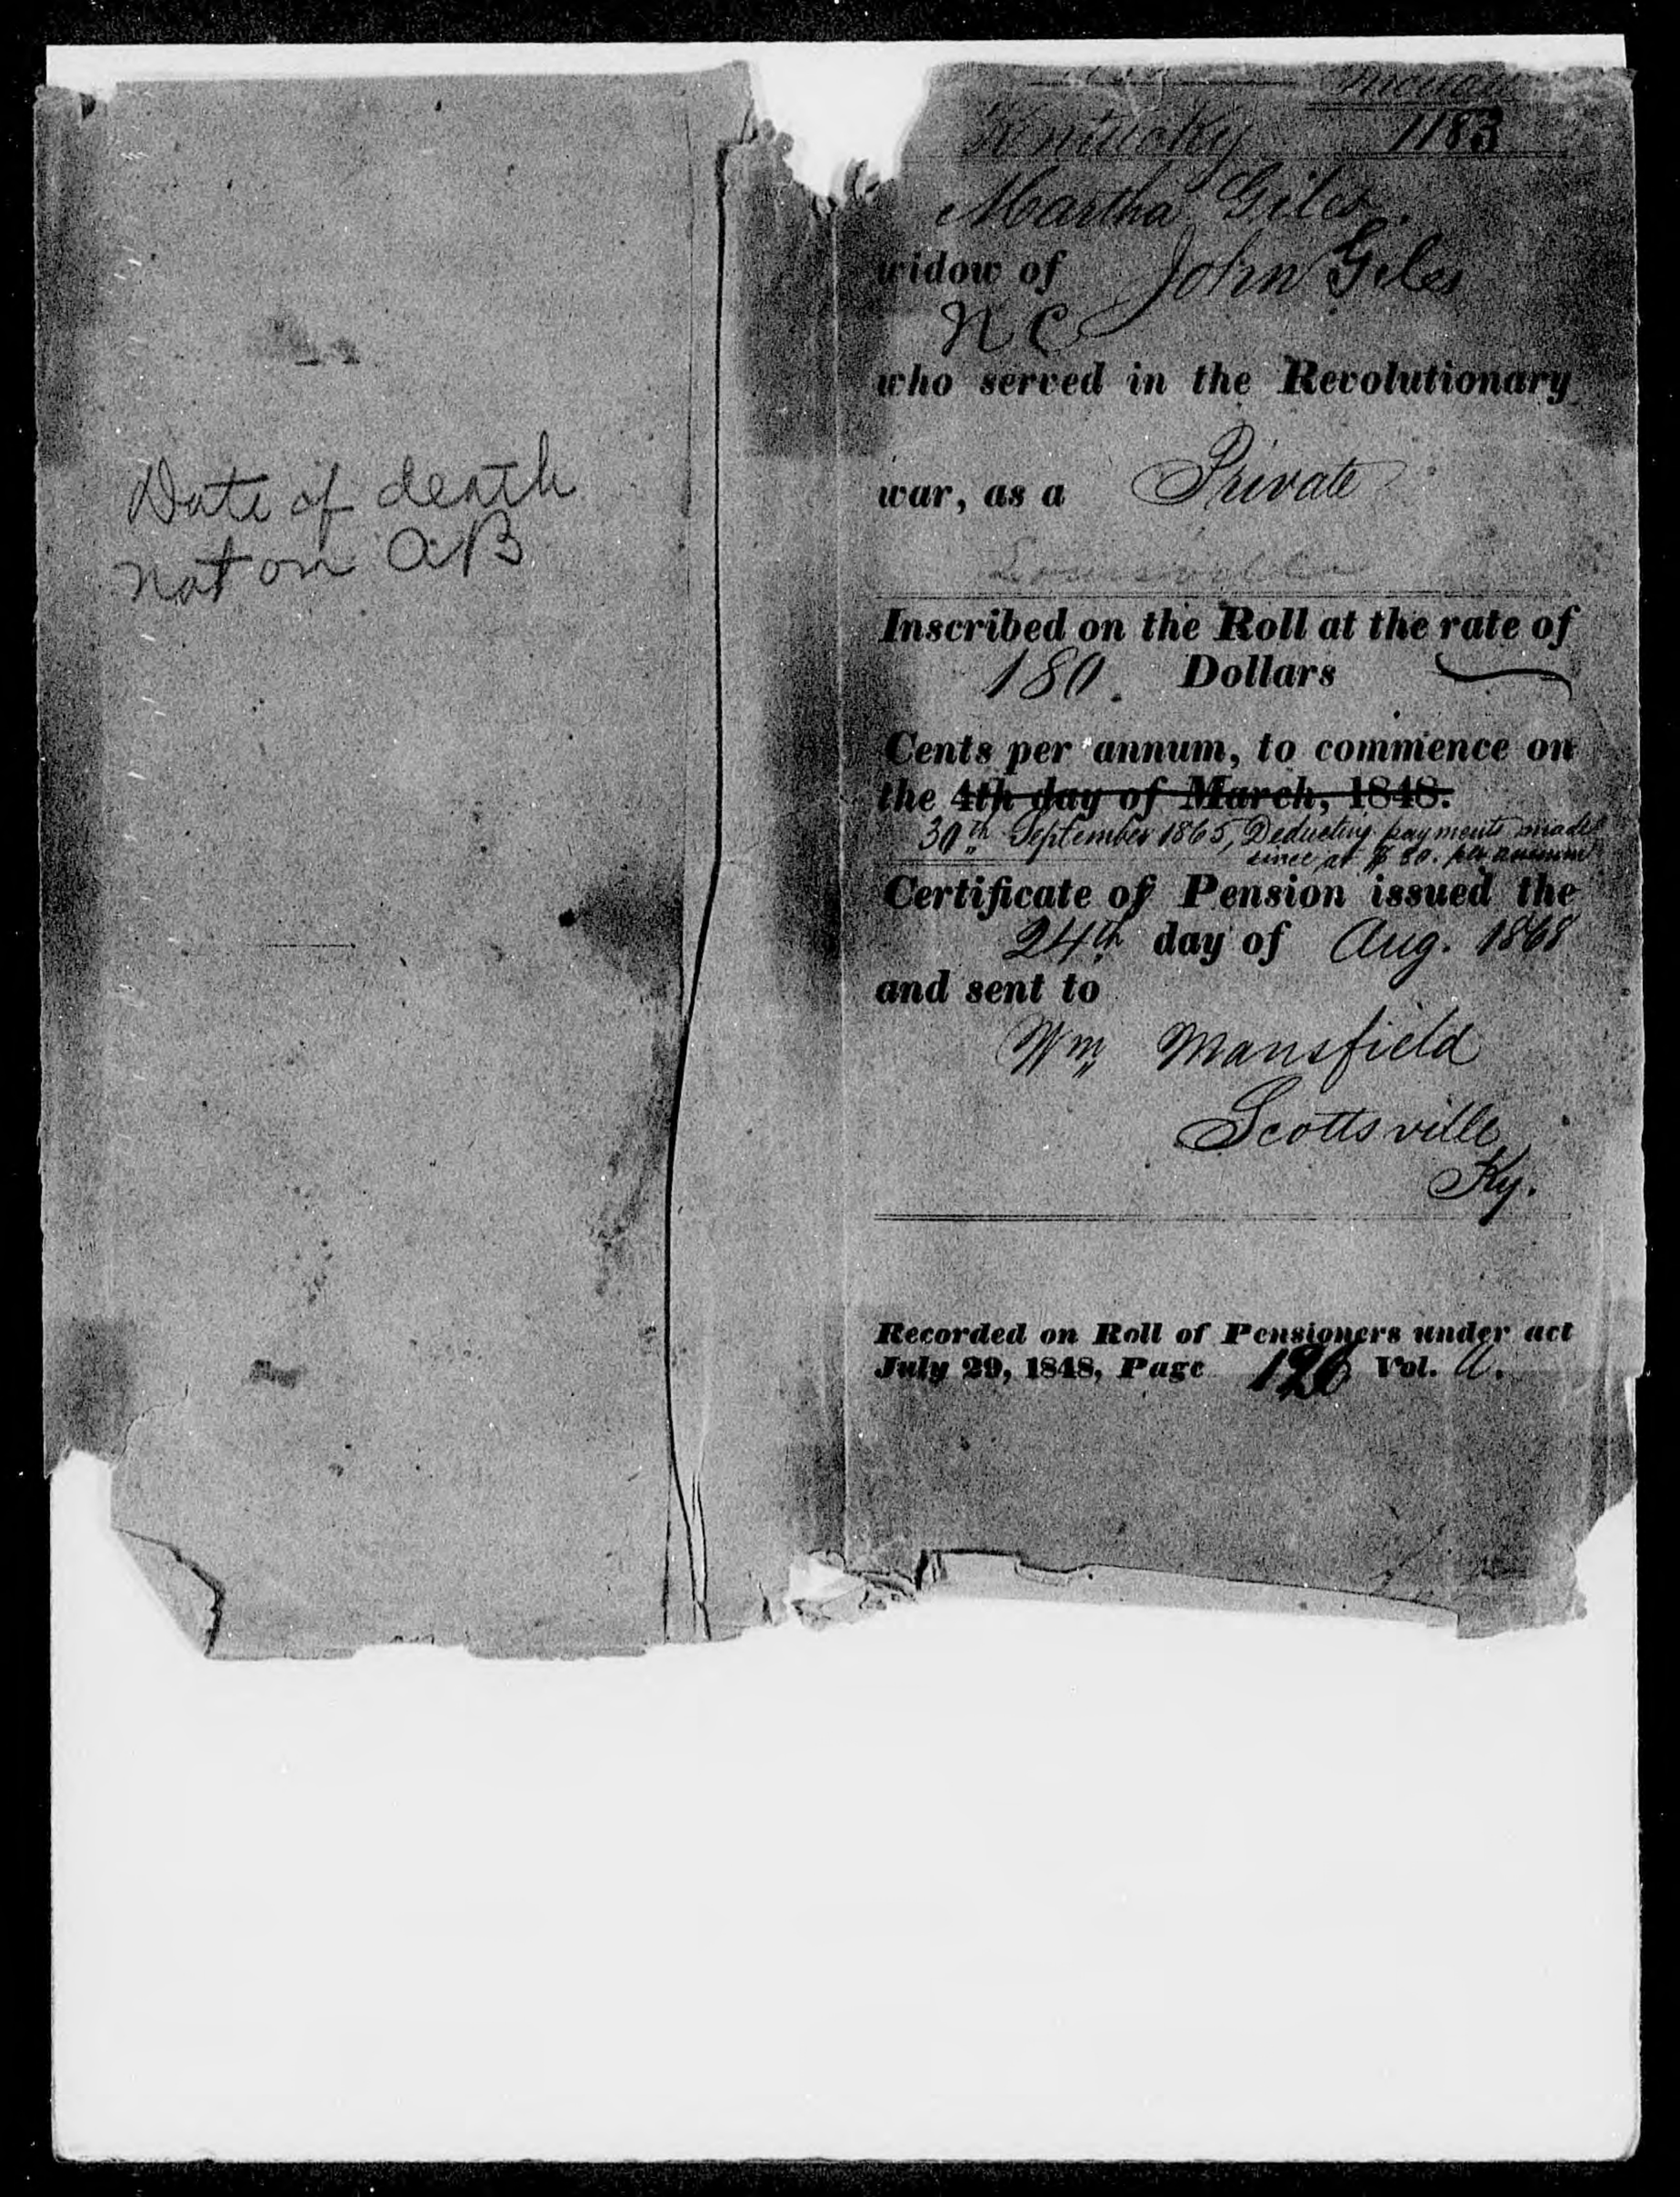Date of death
not on AB

[illegible]
Kentucky 1183
Martha Giles
Widow of John Giles N.C.
who served in the Revolutionary 
war, as a Private
Louisville

Inscribed on the Roll at the rate of 180 Dollars - 
Cents per annum, to commence on the 30th September 1865,
Deducting payments made since at $80 per annum

Certificate of Pension issued the 
24th day of Aug. 1868 
and sent to Wm Mansfield 
Scottsville Ky. 

Recorded on Roll of Pensioners under act
July 29, 1848, Page 126 Vol. A.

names: Wm Mansfield, John Giles, Martha Giles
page: 4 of 82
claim: widow's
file: W. 7,522, John Giles, N.C.